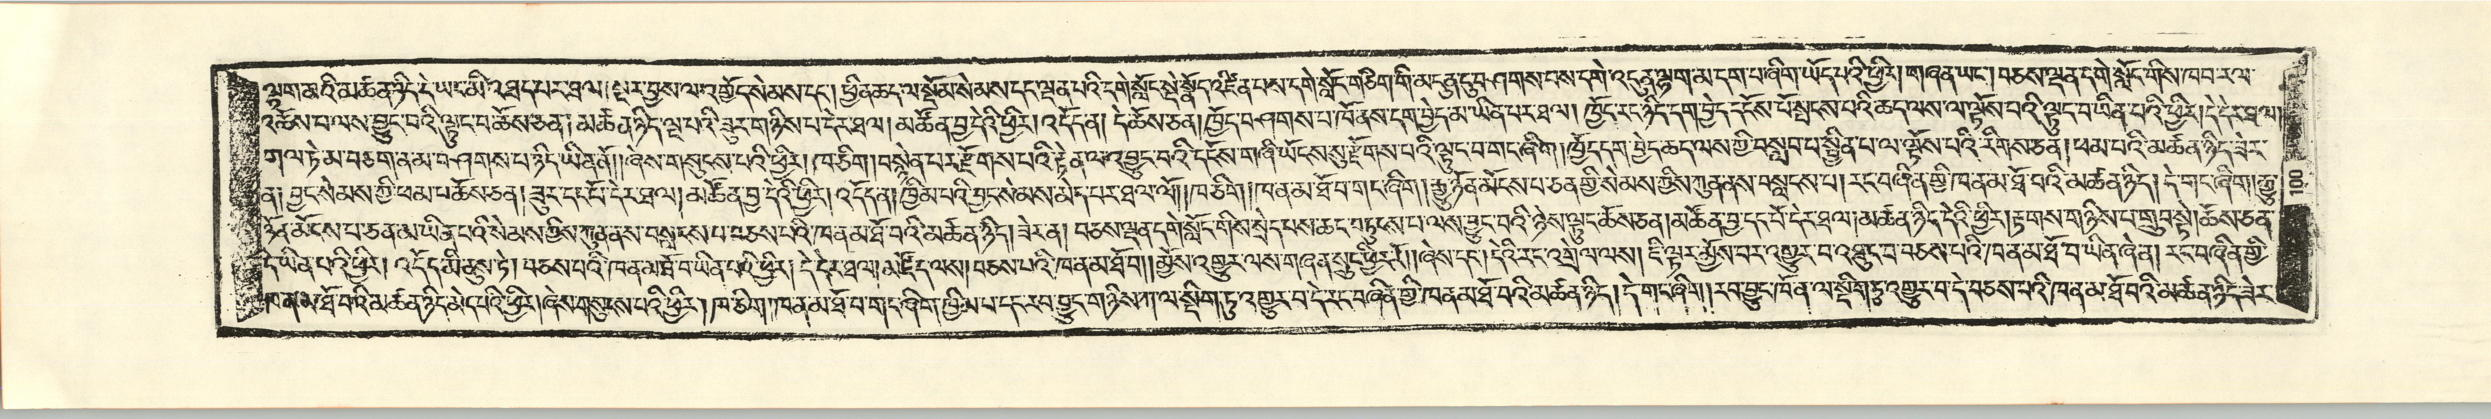ལྷག་མའི་མཚན་ཉིད་དེ་ཡང་མི་འཐད་པར་ཐལ། སྔར་བྱས་ལ་འགྱོད་སེམས་དང་། ཕྱིན་ཆད་ལ་སྡོམ་སེམས་དང་ལྡན་པའི་དགེ་སློང་སྡེ་སྣོད་འཛིན་པས་དགེ་སློང་གཅིག་གི་མདུན་དུ་བཤགས་པས་དགེ་འདུན་ལྷག་མ་དག་པ་ཞིག་ཡོད་པའི་ཕྱིར། གཞན་ཡང་། བཅས་ལྡན་དགེ་སློང་གིས་ཁབ་རལ་
འཆོས་པ་ལས་བྱུང་བའི་ལྟུང་བ་ཆོས་ཅན། མཚན་ཉིད་ལྔ་པའི་ཟུར་གཉིས་པ་དེར་ཐལ། མཚོན་བྱ་དེའི་ཕྱིར། འདོད་ན། དེ་ཆོས་ཅན། ཁྱོད་བཤགས་པ་ཁོ་ནས་དག་བྱེད་མ་ཡིན་པར་ཐལ། ཁྱོད་རང་ཉིད་དག་བྱེད་དངོས་པོ་སྤངས་པའི་ཆད་ལས་ལ་ལྟོས་པའི་ལྟུང་བ་ཡིན་པའི་ཕྱིར། དེ་དེར་ཐལ།
གལ་ཏེ་མ་བཅག་ན་མ་བཤགས་པ་ཉིད་ཡིན་ནོ། །ཞེས་གསུངས་པའི་ཕྱིར། ཁ་ཅིག །བསྙེན་པར་རྫོགས་པའི་རྟེན་ལ་འབྱུང་བའི་དངོས་གཞི་ཡོངས་སུ་རྫོགས་པའི་ལྟུང་བ་གང་ཞིག །ཁྱོད་དག་བྱེད་ཆད་ལས་ཀྱི་བསླབ་པ་སྦྱིན་པ་ལ་ལྟོས་པའི་རིགས་ཅན། ཕམ་པའི་མཚན་ཉིད་ཟེར་
ན༑ བྱང་སེམས་ཀྱི་ཕམ་པ་ཆོས་ཅན། ཟུར་དང་པོ་དེར་ཐལ། མཚོན་བྱ་དེའི་ཕྱིར། འདོད་ན། ཁྱིམ་པའི་བྱང་སེམས་མེད་པར་ཐལ་ལོ། །ཁ་ཅིག །ཁ་ན་མ་ཐོ་བ་གང་ཞིག །རྒྱུ་ཉོན་མོངས་པ་ཅན་གྱི་སེམས་ཀྱིས་ཀུན་ནས་བསླངས་པ། རང་བཞིན་གྱི་ཁ་ན་མ་ཐོ་བའི་མཚན་ཉིད། དེ་གང་ཞིག །རྒྱུ་
ཉོན་མོངས་པ་ཅན་མ་ཡིན་པའི་སེམས་ཀྱིས་ཀུན་ནས་བསླངས་པ་བཅས་པའི་ཁ་ན་མ་ཐོ་བའི་མཚན་ཉིད། ཟེར་ན། བཅས་ལྡན་དགེ་སློང་གིས་སྲེད་པས་ཆང་བཏུངས་པ་ལས་བྱུང་བའི་ཉེས་ལྟུང་ཆོས་ཅན། ཡྨྪོན་བྱ་དང་པོ་དེར་ཐལ། མཚན་ཉིད་དེའི་ཕྱིར། རྟགས་གཉིས་པ་གྲུབ་སྟེ། ཆོས་ཅན་
དེ་ཡིན་པའི་ཕྱིར། འདོད་མི་ནུས་ཏེ། བཅས་པའི་ཁ་ན་མ་ཐོ་བ་ཡིན་པའི་ཕྱིར། དེ་དེར་ཐལ། མཛོད་ལས། བཅས་པའི་ཁ་ན་མ་ཐོ་བ། །མྱོས་འགྱུར་ལས་གཞན་སྲུང་ཕྱིར་རོ། །ཞེས་དང་། དེའི་རང་འགྲེལ་ལས། ཇི་ལྟར་མྱོས་པར་འགྱུར་བ་འཐུང་བ་བཅས་པའི་ཁ་ན་མ་ཐོ་བ་ཡིན་ཞེ་ན། རང་བཞིན་གྱི་
ཁ་ན་མ་ཐོ་བའི་མཚན་ཉིད་མེད་པའི་ཕྱིར། ཞེས་གསུངས་པའི་ཕྱིར། ཁ་ཅིག །ཁ་ན་མ་ཐོ་བ་གང་ཞིག་ཁྱིམ་པ་དང་རབ་བྱུང་གཉིས་ཀ་ལ་སྡིག་ཏུ་འགྱུར་བ་དེ་རང་བཞིན་གྱི་ཁ་ན་མ་ཐོ་བའི་མཚན་ཉིད། དེ་གང་ཞིག །རབ་བྱུང་ཁོ་ན་ལ་སྡིག་ཏུ་འགྱུར་བ་དེ་བཅས་པའི་ཁ་ན་མ་ཐོ་བའི་མཚན་ཉིད་ཟེར་